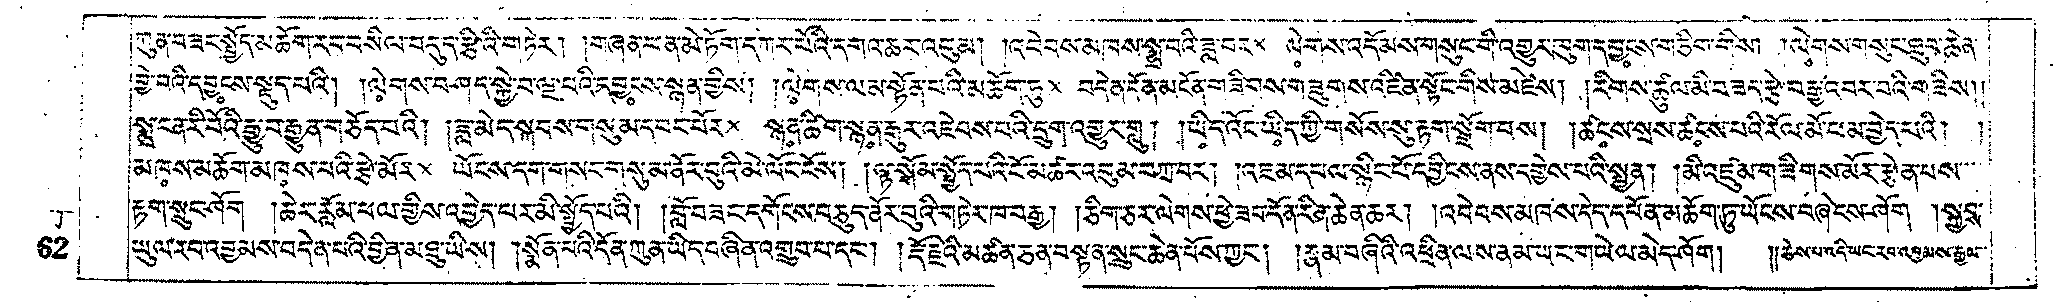ཀུན་བཟང་སྤྱོད་མཆོག་རབ་བསིལ་བདུད་རྩིའི་གཏེར། །གཞན་ཕན་མེ་ཏོག་དཀར་པོའི་དགའ་ཆར་འབུམ། །འབེབས་མཁས་སྨྲ་བའི་ཟླ་བར་྾་ལེགས྾་འདོམས་གསུང་གི་འགྱུར་ཁུག་དབྱངས྾་གཅིག་གིས། །ལེགས྾་གསུང་ཐུབ་ཆེན་
བྱེ་བའི་དབྱངས་སྡུད་པའི། །ལེགས྾་བཤད་སྐྱེ་བ་ལྔ་པའི་དབྱངས྾་སྙན་གྱིས། །ལེགས྾་ལམ་སྟོན་པའི་མཆོག་ཏུ་྾་བདེན་དོན་མངོན་གཟིགས་གཟུགས་འཛིན་སྟོང་གིས་མཛེས། །རིགས་ཚུལ་མི་བཟད་རྩེ་བརྒྱ་འབར་བའི་གཟིས།།
སྨྲ་ངན་རི་བོའི་རྒྱུ་བ་རྒྱུན་གཅོད་པའི། །ཟླ་མེད་སྐབས་གསུམ་དབང་པོར་྾་སྙན྾་ཚིག་སྙན྾་རྒྱུར་འཇེབས་པའི་དྲུག་འགྱུར་གླུ། །ཡིད྾་འོང་ཡིད྾་ཀྱི་གསོས་སུ་རྟག་སྒྲོག་པས། །ཚངས྾་སྲས་ཚངས྾་པའི་རོལ་མོ་ཕམ་བྱེད་པའི། །
མཁས྾་མཆོག་མཁས྾་པའི་རྩེ་མོར་྾་ཡོངས་དག་གསང་གསུམ་ནོར་བུའི་མེ་ལོང་ངོས། །ལྷ་སྒོམ་སྤྱོད་པའི་ངོ་མཚར་འབུམ་བཀྲ་བར། །འཇམ་དཔལ་སྙིང་པོ་དབྱིངས་ནས་དགྱེས་པའི་སྤྱན། །མི་འཛུམ་གཟིགས་མོར་རྩེན་པས་་་
རྟག་སྲུང་ཤོག །ཆེར་རློམ་ཕལ་གྱིས་འབྱེད་པར་མི་སྤྱོད་པའི། །བློ་བཟང་དགོངས་བཅུད་ནོར་བུའི་གཏེར་ཁ་བརྒྱ། །ཅིག་ཅར་ལེགས་ཕྱེ་ཟབ་དོན་རིན་ཆེན་ཆར། །འབེབས་མཁས་དེད་དཔོན་མཆོག་ཏུ་ཡོངས་བཞེངས་ཤོག །སྐྱབས་
ཡུལ་རབ་འབྱམས་བདེན་པའི་བྱིན་མཐུ་ཡིས། །སྨོན་པའི་དོན་ཀུན་ཡིད་བཞིན་འགྲུབ་པ་དང་། །རྡོ་རྗེའི་མཚན་ཅན་བསྟན་སྲུང་ཆེན་པོས་ཀྱང་། །རྣམ་བཞིའི་འཕྲིན་ལས་ནམ་ཡང་གཡེལ་མེད་ཤོག། །།ཅེས་པ་འདི་ཡང་རབ་འབྱམས་རྒྱལ་་་